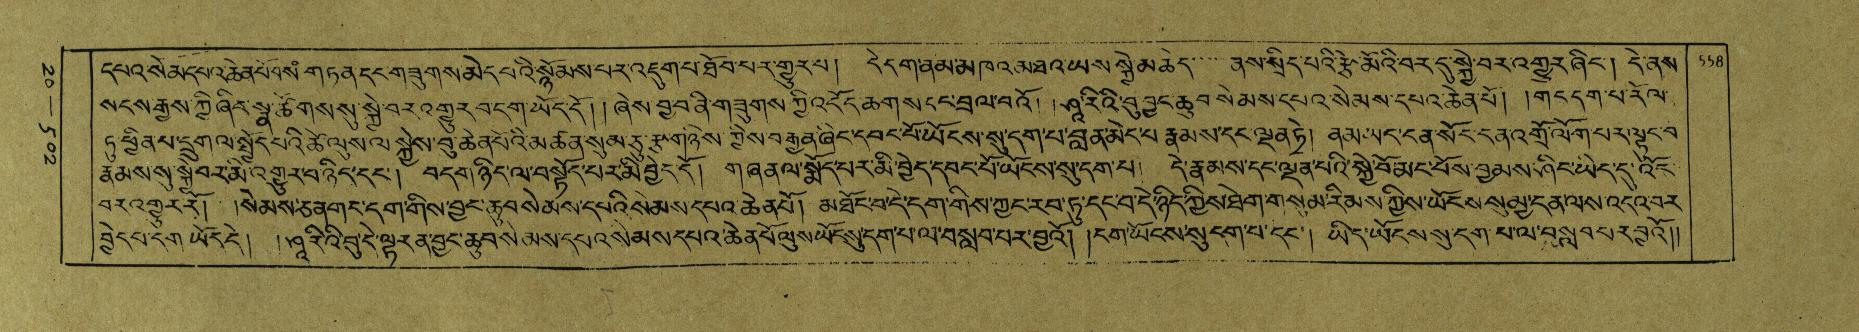དཔའ་སེམས་དཔའ་ཆེན་པོ་བསཾ་གཏན་དང་གཟུགས་མེད་པའི་སྙོམས་པར་འཇུག་པ་ཐོབ་པར་གྱུར་པ། དེ་དག་ནམ་མཁའ་མཐའ་ཡས་སྐྱེ་མཆེད་ནས་སྲིད་པའི་རྩེ་མོའི་བར་དུ་སྐྱེ་བར་འགྱུར་ཞིང་། དེ་ནས་
སངས་རྒྱས་ཀྱི་ཞིང་སྣ་ཚོགས་སུ་སྐྱེ་བར་འགྱུར་བ་དག་ཡོད་དོ། །ཞེས་བྱ་བ་ནི་གཟུགས་ཀྱི་འདོད་ཆགས་དང་བྲལ་བའོ། །ཤཱ་རིའི་བུ་བྱང་ཆུབ་སེམས་དཔའ་སེམས་དཔའ་ཆེན་པོ། །གང་དག་ཕ་རོལ་
ཏུ་ཕྱིན་པ་དྲུག་ལ་སྤྱོད་པའི་ཚེ་ལུས་ལ་སྐྱེས་བུ་ཆེན་པོའི་མཚན་སུམ་ཅུ་རྩ་གཉིས་ཀྱིས་བརྒྱན་ཞིང་དབང་པོ་ཡོངས་སུ་དག་པ་བླ་ན་མེད་པ་རྣམས་དང་ལྡན་ཏེ། ནམ་ཡང་ངན་སོང་ངན་འགྲོ་ལོག་པར་ལྟུང་བ་
རྣམས་སུ་སྐྱེ་བར་མི་འགྱུར་བ་ཉིད་དང་། བདག་ཉིད་ལ་བསྟོད་པར་མི་བྱེད་དོ། གཞན་ལ་སྨོད་པར་མི་བྱེད་དབང་པོ་ཡོངས་སུ་དག་པ། དེ་རྣམས་དང་ལྡན་པའི་སྐྱེ་བོ་མང་པོས་བྱམས་ཤིང་ཡིད་དུ་འོང་
བར་འགྱུར་རོ། །སེམས་ཅན་གང་དག་གིས་བྱང་ཆུབ་སེམས་དཔའི་སེམས་དཔའ་ཆེན་པོ། མཐོང་བ་དེ་དག་གིས་ཀྱང་རབ་ཏུ་དང་བ་དེ་ཉིད་ཀྱིས་ཐེག་གསུམ་རིམས་ཀྱིས་ཡོངས་སུ་མྱ་ངན་ལས་འདའ་བར་
བྱེད་པ་དག་ཡོད་དེ། །ཤཱ་རིའི་བུ་དེ་ལྟར་ན་བྱང་ཆུབ་སེམས་དཔའ་སེམས་དཔའ་ཆེན་པོ་ལུས་ཡོངས་སུ་དག་པ་ལ་བསླབ་བར་བྱའོ། །ངག་ཡོངས་སུ་དག་པ་དང་། ཡིད་ཡོངས་སུ་དག་པ་ལ་བསླབ་པར་བྱའོ།།